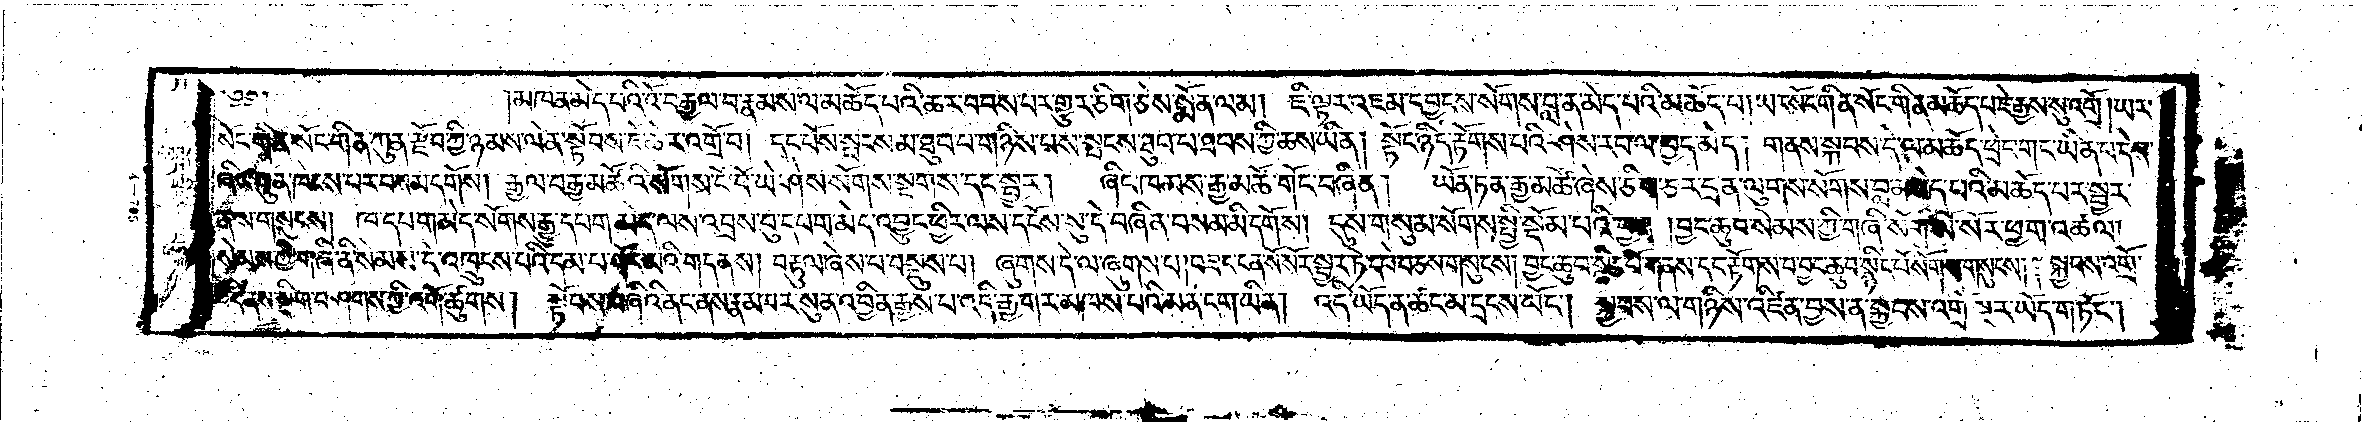༄༅། །མཁན་མེད་པའི་འོ་ང་རྒྱལ་བ་རྣམས་ལ་མཆོད་པའི་ཆར་བབས་པར་གྱུར་ཅིག་ཅེས་སྨོན་ལམ། ཇི་ལྟར་འཇམ་དབྱངས་སོགས་བླ་ན་མེད་པའི་མཆོད་གཡར་སོང་གིན་སོང་གིན་མཆོད་པ་ཇེ་རྒྱས་སུ་འགྲོ། ཡར་
སོང་གིས་སོང་གིན་ཀུན་རྫོབ་ཀྱི་ཉམས་ལེན་སྟོབས་ཇེ་ཆེར་འགྲོ་བ། དང་པོས་སྤངས་མ་ཐུབ་པ་གཉིས་པས་སྤངས་ཐུབ་པ་ཐབས་ཀྱི་ཆས་ཡིན། སྟོང་ཉིད་རྟོགས་པའི་ཤེས་རབ་ལ་བྱད་མེད༑ གནས་སྐབས་དེ་ལ་མཆོད་ཕྲེང་གང་ཡིན་པ་དེས་
ཞིག་ཀུན་ཁེངས་པར་བསམ་དགོས། རྒྱལ་བརྒྱ་མཚོའི་སོགས་ངོ་བོ་ཡེ་ཤེས་སོགས་སྔགས་དང་སྦྱར། ཞིང་ཁམས་རྒྱ་མཚོ་གོང་བཞིན། ཡོན་ཏན་རྒྱ་མཚོ་ཞེས་ཅིག་ཅར་དྲན་ལུགས་སོགས་བླ་ན་མེད་པའི་མཆོད་པར་སྦྱར་
ནས་གསུངས། ཁ་དཔག་མེད་སོགས་རྒྱུ་དཔག་མེད་ལས་འབྲས་བུ་དཔག་མེད་འབྱུང་ཕྱིར་ལས་དངོས་སུ་དེ་བཞིན་བསམ་མི་དགོས། དུས་གསུམ་སོགས་སྤྱི་སྡོམ་པའི་ཕྱག །བྱང་ཆུབ་སེམས་ཀྱི་གཞི་སོག་ཡོ་སོར་ཕྱག་འཚལ།
སེམས་ཀྱི་གཞི་ནི་སེམས་དེ་འཁྲུངས་པའི་དམ་པ་གོང་མའི་གདན་ས། བརྟུལ་ཞེས་པ་བསྡུས་པ། ཞུགས་དེ་ལ་ཞུགས་པ་།བཟང་ངན་སོ་སོར་སྦྱར་ཏེ་དཔེ་བཅས་གསུངས། བྱང་ཆུབ་སྙིང་པོ་གནས་དང་རྟོགས་པ་བྱང་ཆུབ་སྙིང་པོ་སོགས་གསུངས། ༈ སྐྱབས་འགྲོ་
ཅིང་ནས་སྡིག་བཤགས་ཀྱི་འགོ་ཚུགས། སྟོབས་བཞིའི་ནང་ནས་རྣམ་པར་སུན་འབྱིན་རྒྱས་པ་འདི་རྒྱ་གར་མཁས་པའི་མན་ངག་ཡིན། འདི་ཡོད་ན་ཚང་མ་དྲངས་ཡོང་། སྐྱབས་ལ་གཉིས་འཛིན་བྱས་ན་སྐྱབས་འགྲོ་སྔར་ཡོད་གཏོང་།